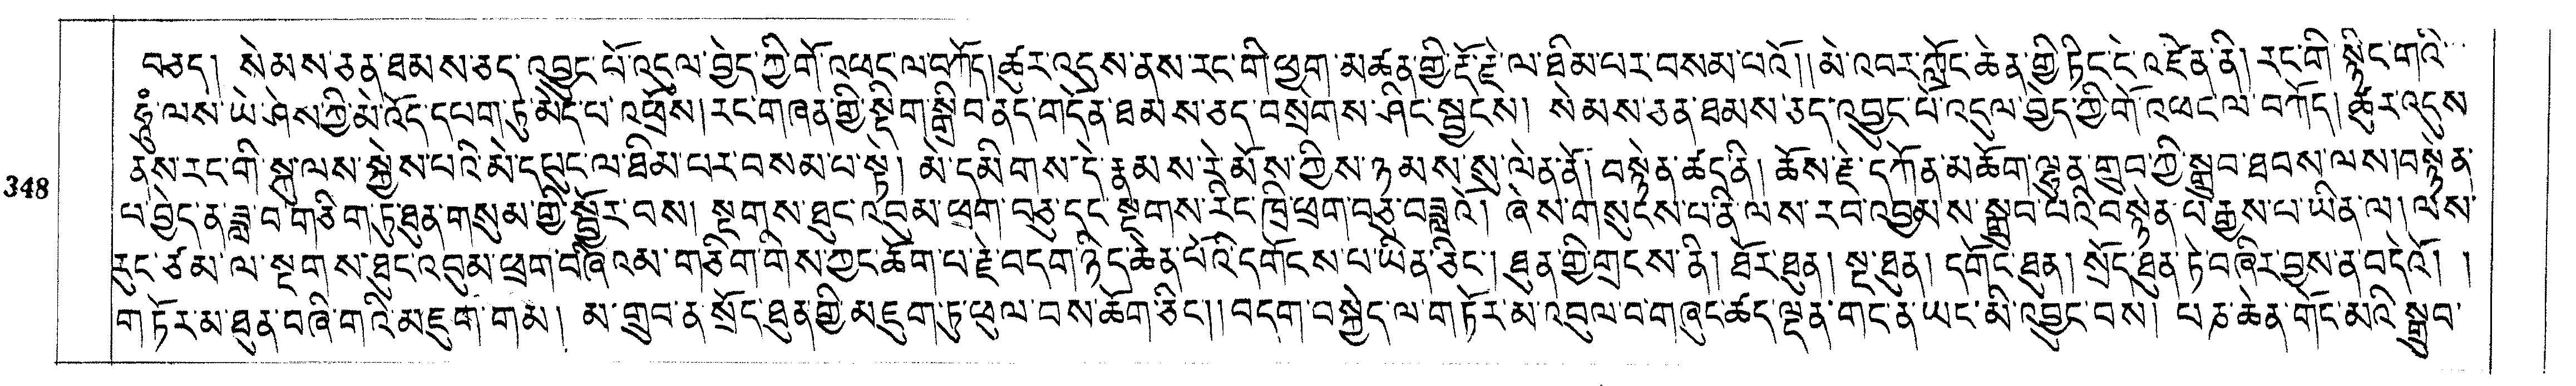བཅད། སེམས་ཅན་ཐམས་ཅད་འབྱུང་པོ་འདུལ་བྱེད་ཀྱི་གོ་འཕང་ལ་བཀོད། ཚུར་འདུས་ནས་རང་གི་ཕྱག་མཚན་གྱི་རྡོ་རྗེ་ལ་ཐིམ་པར་བསམ་པའོ། །མེ་འབར་ཀློང་ཆེན་གྱི་ཏིང་ངེ་འཛིན་ནི། རང་གི་སྙིང་གའི་
ཧཱུཾ་ལས་ཡེ་ཤེས་ཀྱི་མེ་འོད་དཔག་ཏུ་མེད་པ་འཕྲོས། རང་གཞན་གྱི་སྡིག་སྒྲིབ་ནད་གདོན་ཐམས་ཅད་བསྲེགས་ཤིང་སྦྱངས། སེམས་ཅན་ཐམས་ཅད་འབྱུང་པོ་འདུལ་བྱེད་ཀྱི་གོ་འཕང་ལ་བཀོད། ཚུར་འདུས་
ནས་རང་གི་སྐུ་ལས་སྐྱེས་པའི་མེ་དཔུང་ལ་ཐིམ་པར་བསམ་པ་སྟེ། མེ་དམིགས་དེ་རྣམས་རེ་མོས་ཀྱིས་ཉམས་སུ་ལེན་ནོ། བསྙེན་ཚད་ནི། ཆོས་རྗེ་དཀོན་མཆོག་ལྷུན་གྲུབ་ཀྱི་སྒྲུབ་ཐབས་ལས། བསྙེན་
པ་བྱེད་ན་ཟླ་བ་གཅིག་ཏུ་ཐུན་གསུམ་གྱི་སྦྱོར་བས། སྔགས་ཐུང་འབུམ་ཕྲག་བཅུ་དང་སྔགས་རིང་ཁྲི་ཕྲག་བཅུ་བཟླའོ། ཞེས་གསུངས་པ་ནི་ལས་རབ་འབྱམས་སྒྲུབ་པའི་བསྙེན་པ་རྒྱས་པ་ཡིན་ལ། ལས་
རུང་ཙམ་ལ་སྔགས་ཐུང་འབུམ་ཕྲག་བཞིའམ་གཅིག་གིས་ཀྱང་ཆོག་པ་རྗེ་བདག་ཉིད་ཆེན་པོའི་དགོངས་པ་ཡིན་ཅིང་། ཐུན་གྱི་གྲངས་ནི། ཐོར་ཐུན། སྔ་ཐུན། དགོང་ཐུན། སྲོད་ཐུན་ཏེ་བཞིར་བྱས་ན་བདེའོ། །
གཏོར་མ་ཐུན་བཞི་གའི་མཇུག་གམ། མ་གྲུབ་ན་སྲོད་ཐུན་གྱི་མཇུག་ཏུ་ཕུལ་བས་ཆོག་ཅིང་། །བདག་བསྐྱེད་ལ་གཏོར་མ་འབུལ་བ་གཞུང་ཚད་ལྡན་གང་ན་ཡང་མི་འབྱུང་བས། པཎ་ཆེན་གོང་མའི་སྒྲུབ་